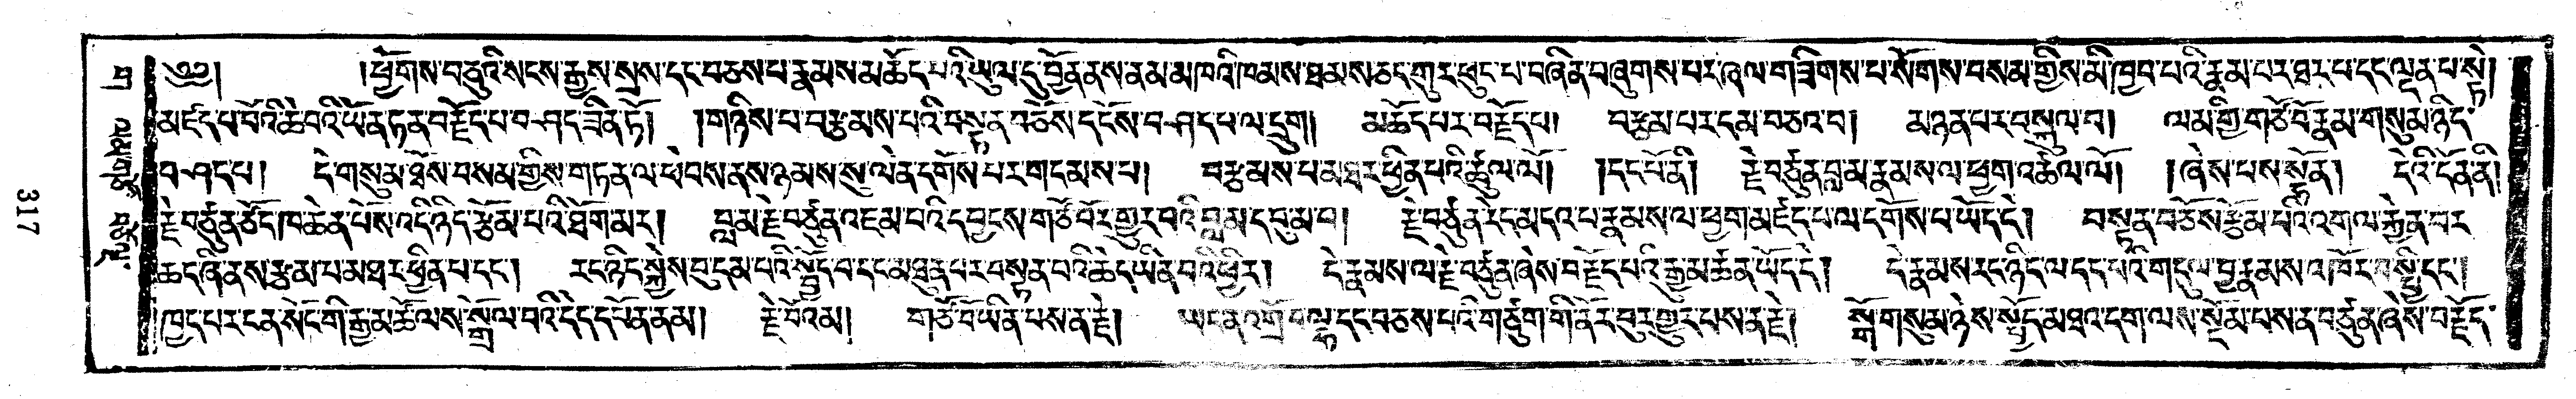༄༅། །ཕྱོགས་བཅུའི་སངས་རྒྱས་སྲས་དང་བཅས་པ་རྣམས་མཆོད་པའི་ཡུལ་དུ་བྱོན་ནས་ནམ་མཁའ་ཁམས་ཐམས་ཅད་གུར་ཕུང་པ་བཞིན་བཞུགས་པར་ཞལ་གཟིགས་པ་སོགས་བསམ་གྱིས་མི་ཁྱབ་པའི་རྣམ་པར་ཐར་པ་དང་ལྡན་པ་སྟེ།
མཛད་པ་བོའི་ཆེ་བའི་ཡོན་ཏན་བརྗོད་པ་བཤད་ཟིན་ཏོ། །གཉིས་པ་བརྩམས་པའི་བསྟན་བཅོས་དངོས་བཤད་པ་ལ་དྲུག། མཆོད་པར་བརྗོད་པ། བརྩམ་པར་དམ་བཅའ་བ། མཉན་པར་བསྐུལ་བ། ལམ་གྱི་གཙོ་བོ་རྣམ་གསུམ་ཉིད་
བཤད་པ། དེ་གསུམ་ཐོས་བསམ་གྱིས་གཏན་ལ་ཕེབས་ནས་ཉམས་སུ་ལེན་དགོས་པར་གདམས་པ། བརྩམས་པ་མཐར་ཕྱིན་པའི་ཚུལ་ལོ། །དང་པོ་ནི། རྗེ་བཙུན་བླ་མ་རྣམས་ལ་ཕྱག་འཚལ་ལོ། །ཞེས་པས་སྟོན། དེའི་དོན་ནི།
རྗེ་བཙུན་ཙོང་ཁ་ཆེན་པོས་འདི་ཉིད་རྩོམ་པའི་ཐོག་མར། བླ་མ་རྗེ་བཙུན་འཇམ་པའི་དབྱངས་གཙོ་བོར་གྱུར་བའི་བླ་མ་དབུ་མ་པ། རྗེ་བཙུན་རེད་མདའ་པ་རྣམས་ལ་ཕྱག་མཛད་པ་ལ་དགོས་པ་ཡོད་དེ། བསྟན་བཅོས་རྩོམ་པའི་འགལ་རྐྱེན་བར་
ཆད་ཞི་ནས་རྩམ་པ་མཐར་ཕྱིན་པ་དང་། རང་ཉིད་སྐྱེས་བུ་དམ་པའི་སྤྱོད་བ་དང་མཐུན་པར་བསྟན་པའི་ཆེད་ཡིན་བའི་ཕྱིར། དེ་རྣམས་ལ་རྗེ་བཙུན་ཞེས་བརྗོད་པའི་རྒྱུ་མཚན་ཡོད་དེ། དེ་རྣམས་རང་ཉིད་ལ་དད་པའི་གདུལ་བྱ་རྣམས་འཁོར་བ་སྤྱི་དང་།
ཁྱད་པར་ངན་སོང་གི་རྒྱ་མཚོ་ལས་སྒྲོལ་བའི་དེད་དཔོན་ནམ། རྗེ་བོའམ། གཙོ་བོ་ཡིན་པས་ན་རྗེ། ཡང་ན་འགྲོ་བ་ལྷ་དང་བཅས་པའི་གཙུག་གི་ནོར་བུར་གྱུར་པས་ན་རྗེ། སྒོ་གསུམ་ཉེས་སྤྱོད་མཐའ་དག་ལས་སྡོམ་པས་ན་བཙུན་ཞེས་བརྗོད་